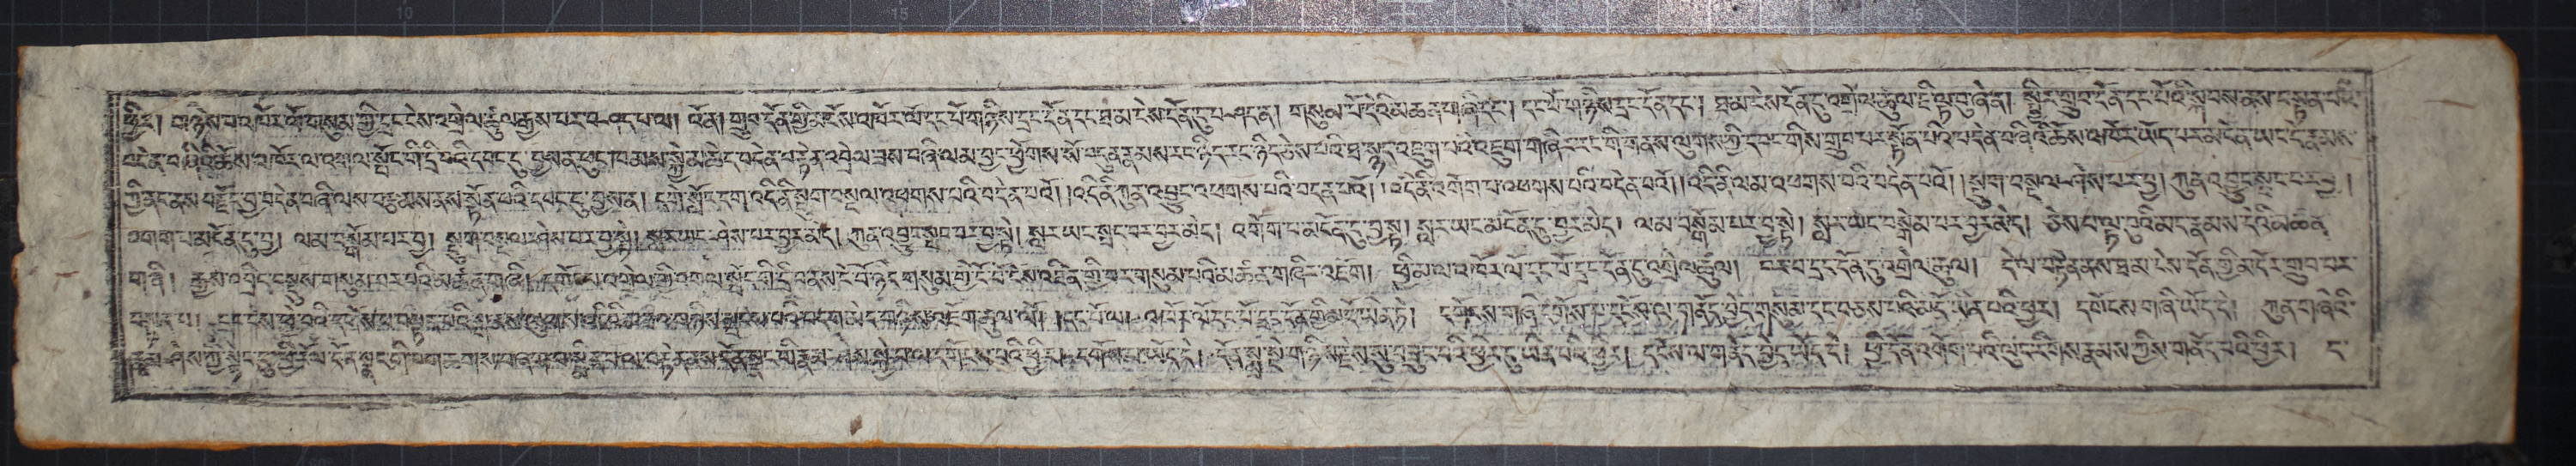ཕྱིར། གཉིས་པ་འཁོར་ལོ་གསུམ་གྱི་དྲང་ངེས་འགྲེལ་ཚུལ་རྒྱས་པར་བཤད་པ་ལ། འོ་ན། གྲུབ་དོན་གྱི་མདོས་འཁོར་ལོ་དང་པོ་གཉིས་དྲང་དོན་དང་ཐ་མ་ངེས་དོན་དུ་བཤད་ན། གསུམ་པོ་དེའི་མཚན་གཞི་དང་། དང་པོ་གཉིས་དྲང་དོན་དང་། ཐ་མ་ངེས་དོན་དུ་འགྲེལ་ཚུལ་ཇི་ལྟ་བུ་ཞེ་ན། སྤྱིར་གྲུབ་དོན་དང་པོའི་སྐབས་ནས་བསྟན་པའི་
བདེན་བཞིའི་ཆོས་འཁོར་ལ་འགལ་སྤོང་གི་དྲི་བའི་དབང་དུ་བྱས་ན་ཕུང་ཁམས་སྐྱེ་མཆེད་བདེན་བརྟེན་འབྲེལ་ཟས་བཞི་ལམ་བྱང་ཕྱོགས་སོ་བདུན་རྣམས་རང་ཉིད་རང་ཉིད་ཅེས་པའི་ཐ་སྙད་འཇུག་པའི་འཇུག་གཞིར་རང་གི་གནས་ལུགས་ཀྱི་དབང་གིས་གྲུབ་པར་སྟོན་པའི་བདེན་བཞིའི་ཆོས་འཁོར་ཡོད་པར་མངོན་ཡང་དེ་རྣམས་
ཀྱི་ནང་ནས་བརྗོད་བྱ་བདེན་བཞི་ལས་བརྩམས་ནས་སྟོན་པའི་དབང་དུ་བྱས་ན། དགེ་སློང་དག་འདི་ནི་སྡུག་བསྔལ་འཕགས་པའི་བདེན་པའོ། །འདི་ནི་ཀུན་འབྱུང་འཕགས་པའི་བདེན་པའོ། །འདི་ནི་འགོག་པ་འཕགས་པའི་བདེན་པའོ། །འདི་ནི་ལམ་འཕགས་པའི་བདེན་པའོ། །སྡུག་བསྔལ་ཤེས་པར་བྱ། ཀུན་འབྱུང་སྤང་བར་བྱ།
འགོག་པ་མངོན་དུ་བྱ། ལམ་བསྒོམ་པར་བྱ། སྡུག་བསྔལ་ཤེས་པར་བྱ་སྟེ། སླར་ཡང་ཤེས་པར་བྱར་མེད། ཀུན་འབྱུང་སྤང་བར་བྱ་སྟེ། སླར་ཡང་སྤང་བར་བྱར་མེད། འགོག་པ་མངོན་དུ་བྱ་སྟེ། སླར་ཡང་མངོན་དུ་བྱར་མེད། ལམ་བསྒོམ་པར་བྱ་སྟེ། སླར་ཡང་བསྒོམ་པར་བྱར་མེད། ཅེས་པ་ལྟ་བུའི་མདོ་རྣམས་དེའི་མཚན་
གཞི། རྒྱས་འབྲིང་བསྡུས་གསུམ་བར་པའི་མཚན་གཞི། དགོངས་འགྲེལ་གྱི་འགལ་སྤོང་གི་དྲི་བ་ནས་ངོ་བོ་ཉིད་གསུམ་གྱི་ངོ་བོ་ངོས་འཛིན་གྱི་བར་གསུམ་པའི་མཚན་གཞིར་འཇོག །ཕྱི་མ་ལ་འཁོར་ལོ་དང་པོ་དྲང་དོན་དུ་འགྲེལ་ཚུལ། བར་པ་དྲང་དོན་དུ་འགྲེལ་ཚུལ། དེ་ལ་བརྟེན་ནས་ཐ་མ་ངེས་དོན་གྱི་མདོར་གྲུབ་པར་
བསྟན་པ། དྲང་ངེས་ཕྱེ་བའི་དགོས་པ་བསྟན་པའི་སྒོ་ནས་ལུགས་འདིའི་མཐའ་གཉིས་སྤངས་པའི་བདག་མེད་གཉིས་འཇོག་ཚུལ་ལོ། །དང་པོ་ལ། འཁོར་ལོ་དང་པོ་དྲང་དོན་གྱི་མདོ་ཡིན་ཏེ། དགོངས་གཞི་དགོས་པ་དངོས་ལ་གནོད་བྱེད་གསུམ་དང་བཅས་པའི་མདོ་ཡིན་པའི་ཕྱིར། དགོངས་གཞི་ཡོད་དེ། ཀུན་གཞིའི་
རྣམ་ཤེས་ཀྱི་སྟེང་དུ་ཕྱི་རོལ་དོན་སྣང་གི་བག་ཆགས་བཞག་པ་སྨིན་པ་ལ་བརྟེན་ནས་དོན་སྣང་གི་རྣམ་ཤེས་སྐྱེ་བ་ལ་དགོངས་པའི་ཕྱིར། དགོས་པ་ཡོད་དེ། དོན་སྨྲ་སྡེ་གཉིས་རྗེས་སུ་བཟུང་བའི་ཕྱིར་དུ་ཡིན་པའི་ཕྱིར། དངོས་ལ་གནོད་བྱེད་ཡོད་དེ། ཕྱི་དོན་འགོག་པའི་ལུང་རིགས་རྣམས་ཀྱིས་གནོད་པའི་ཕྱིར། དེ་